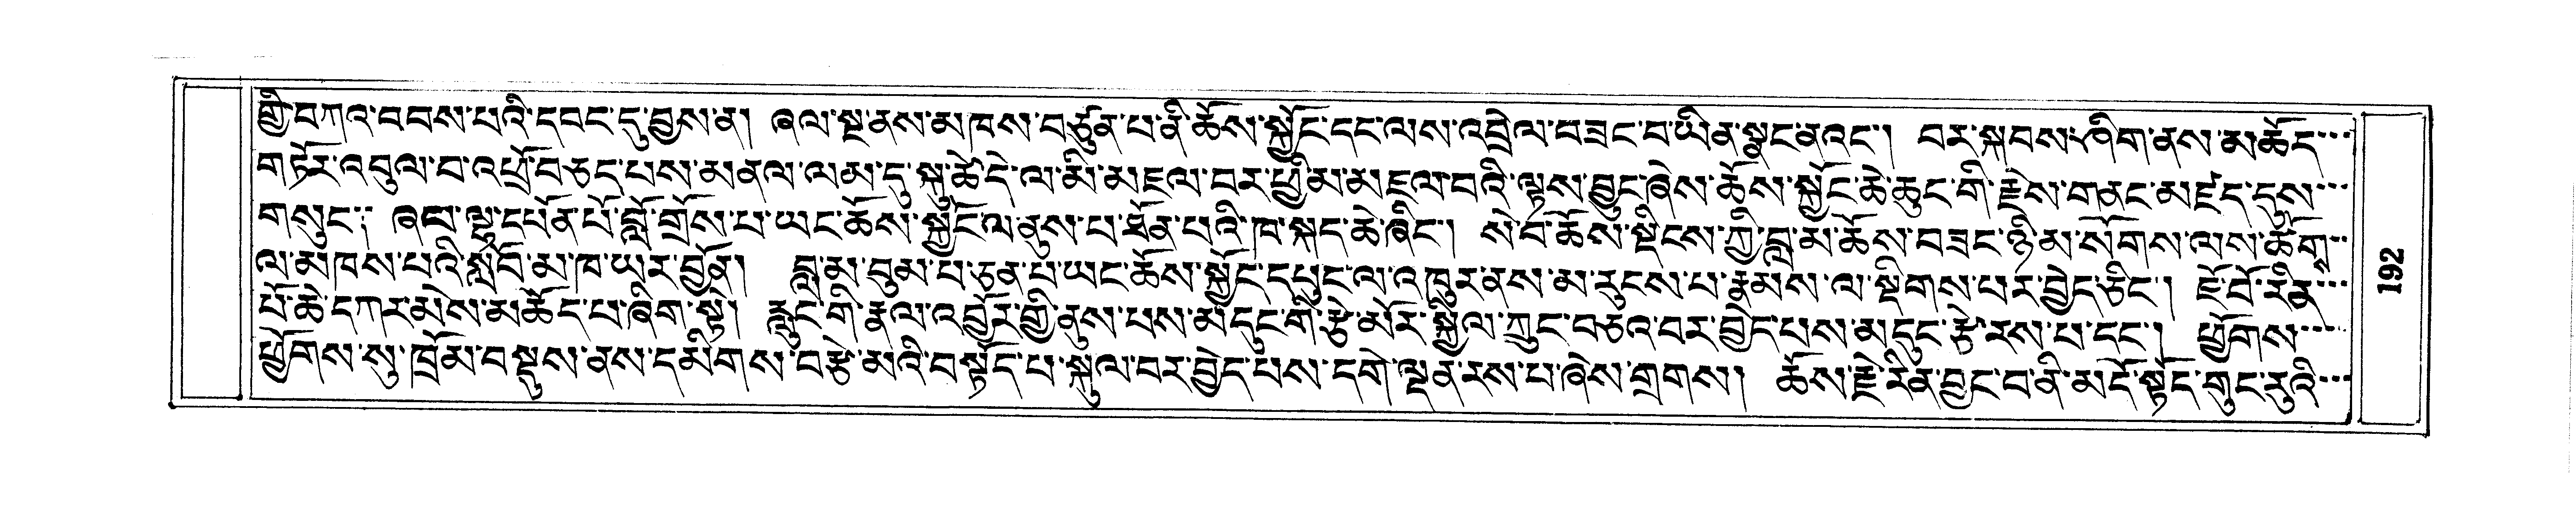གྱི་བཀའ་བབས་པའི་དབང་དུ་བྱས་ན། ཞལ་སྔ་ནས་མཁས་བཙུན་པ་ནི་ཆོས་སྐྱོང་དང་ལས་འབྲེལ་བཟང་བ་ཡིན་སྣང་ནའང་། བར་སྐབས་ཤིག་ནས་མཆོད་
གཏོར་འབུལ་བ་འཕྲོ་བཅད་པས་མནལ་ལམ་དུ་སྐུ་ཚེ་དེ་ལ་མི་མཇལ་བར་ཕྱི་མ་མཇལ་བའི་ལྟས་བྱུང་ཞེས་ཆོས་སྐྱོང་ཆེ་ཆུང་གི་རྗེས་གནང་མཛད་དུས་
གསུང༑ ཞབ་ལྷ་དཔོན་པོ་བློ་གྲོས་པ་ཡང་ཆོས་སྐྱོང་ལ་ནུས་པ་ཐོན་པའི་ཁ་སྐད་ཆེ་ཞིང་། སེ་བ་ཆོས་སྡིངས་ཀྱི་བླ་མ་ཆོས་བཟང་ཉི་མ་སོགས་ལས་ཚོགས་
ལ་མཁས་པའི་སློབ་མ་ཁ་ཡར་བྱོན། བླ་མ་བུམ་པ་ཅན་པ་ཡང་ཆོས་སྐྱོང་དཔུང་ལ་འཁུར་ནས་མ་རུངས་པ་རྣམས་ལ་སྡིགས་པར་བྱེད་ཅིང་། ཇོ་བོ་རིན་
པོ་ཆེ་དཀར་མེས་མཆོད་པ་ཞིག་སྟེ། རླུང་གི་རྣལ་འབྱོར་གྱི་ནུས་པས་མདུང་གི་རྩེ་མོར་སྐྱིལ་ཀྲུང་བཅའ་བར་བྱེད་པས་མདུང་རྩེ་རས་པ་དང་། ཕྱོགས་
ཕྱོགས་སུ་ཁྲོམ་བསྡུས་ནས་དམིགས་བརྩེ་མའི་བསྟོད་པ་སྐུལ་བར་བྱེད་པས་དགེ་ལྡན་རས་པ་ཞེས་གྲགས། ཆོས་རྗེ་རིན་བྱང་བ་ནི་མདོ་སྟོད་གུང་རུའི་